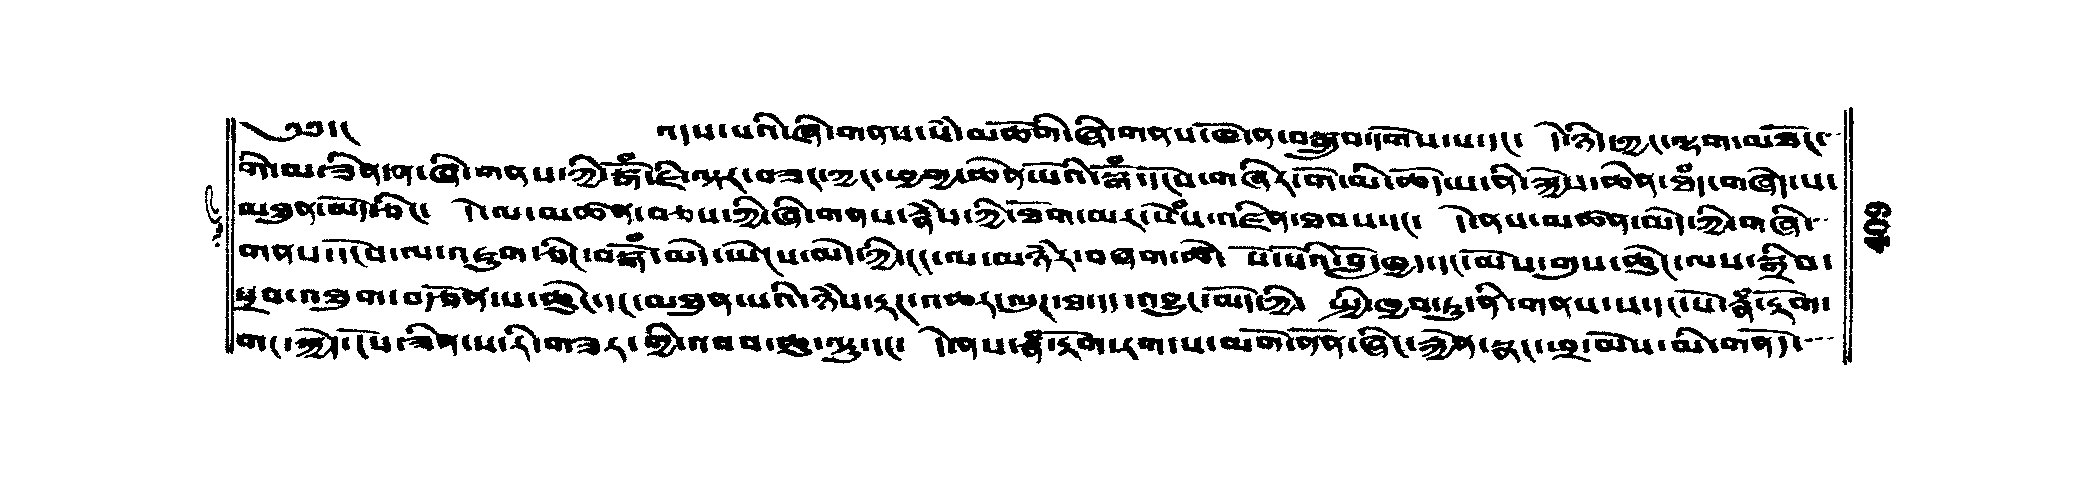འདས་པའི་ཞི་གནས་སམ་མཆོག་གི་ཞི་གནས་ཁོ་ན་བསྒྲུབ་དགོས་དང་། དེ་ཉིད་ཀྱང་ལྷག་མཐོང་
གི་མ་ཟིན་ན་ཞི་གནས་ཀྱི་སྒོ་ཇི་ལྟར་བཟང་ཀྱང་ཕྱག་རྒྱ་ཆེན་པོའི་སྒོམ་དངོས་གཞིར་གོ་མི་ཆོད་པ་ནི་སྐྱེས་ཆེན་ཐམས་ཅད་བཞེད་པ་
མཐུན་མོད་ཅིང་། དེ་ལ་མཚན་བཅས་ཀྱི་ཞི་གནས་རྣམས་ཀྱི་ཐོག་མར་སེམས་འཛིན་ཐབས་དང་། དེ་ནས་མཚན་མེད་ཀྱི་གཞི་
གནས་དངོས་ལ་འཇུག་ཅིང་བསྒོམ་མེད་ཡེངས་མེད་ཀྱི་ངང་ལ་མཉམ་པར་བཞག་ཚེ། སོ་སོའི་བློ་ཁྱད་དང་མོས་གུས་ཆེ་ཆུང་ལས་སྒྲིབ་
་་་་་རྟགས་འཆར་ལུགས་ཐ་དད་འབྱུང་མོད་ཀྱི། སྤྱི་ཁྱབ་ཏུ་ནི་གནས་ས་དང་པོ་རྣམ་རྟོག་
གང་སྐྱེད་དངོས་ཟིན་ས་རི་གཟར་གྱི་འབབ་ཆུ་ལྟ་བུ་དང་། དེ་ནས་རྣམ་རྟོག་རྟག་པ་རག་པ་མགོ་ནོན་ཞིང་རྐྱེན་སྣང་ཕྲ་མོས་མི་གནོད་